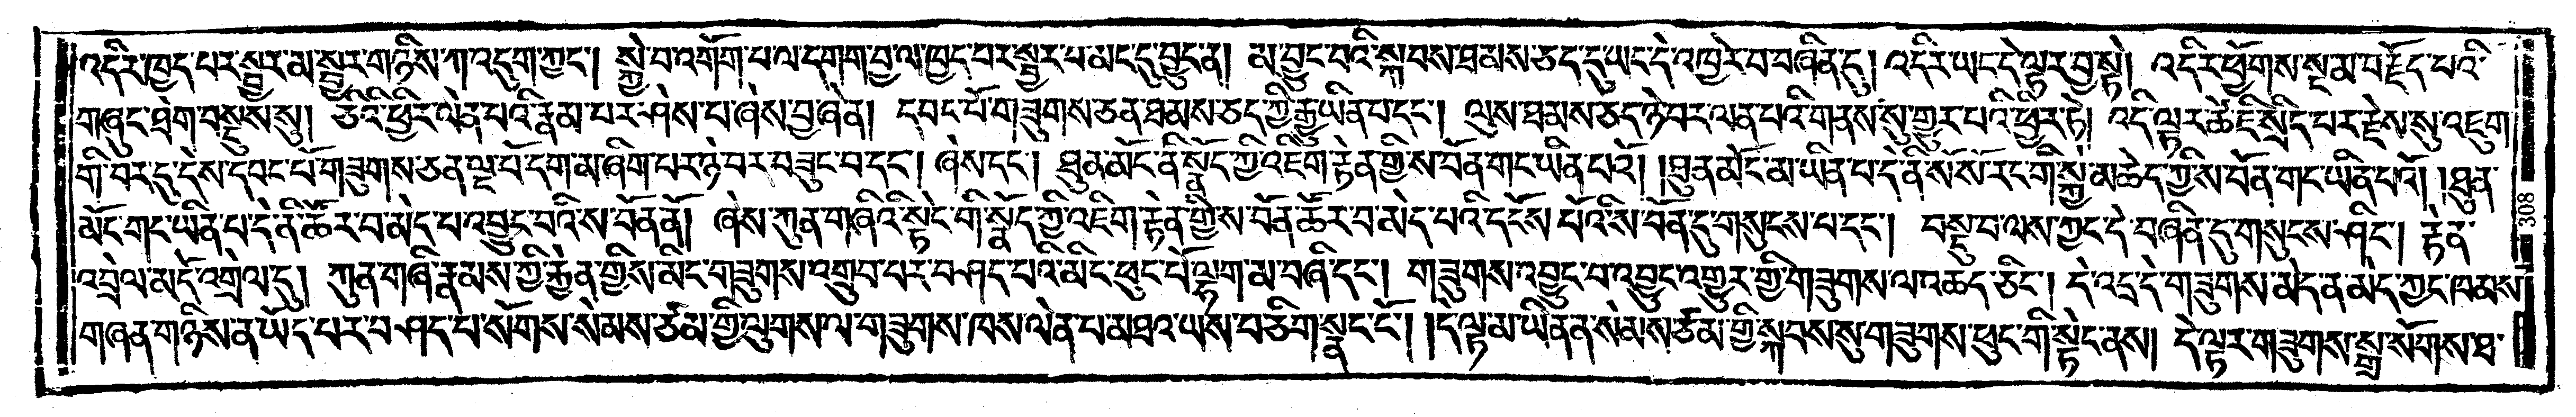འདིར་ཁྱད་པར་སྦྱར་མ་སྦྱར་གཉིས་ཀ་འདུག་ཀྱང་། སྐྱེ་བ་འགོག་པ་ལ་དགག་བྱ་ལ་ཁྱད་པར་སྦྱར་བ་མང་དུ་བྱུང་ན། མ་བྱུང་བའི་སྐབས་ཐམས་ཅད་དུ་ཡང་དེ་འཁྱེར་བ་བཞིན་དུ། འདིར་ཡང་དེ་ལྟར་བྱ་སྟེ། འདིར་ཕྱོགས་སྔ་མ་བརྗོད་པའི་
གཞུང་ཐེག་བསྡུས་སུ། ཅིའི་ཕྱིར་ལེན་པའི་རྣམ་པར་ཤེས་པ་ཞེས་བྱ་ཞེ་ན། དབང་པོ་གཟུགས་ཅན་ཐམས་ཅད་ཀྱི་རྒྱུ་ཡིན་པ་དང་། ལུས་ཐམས་ཅད་ཉེ་བར་ལེན་པའི་གནས་སུ་གྱུར་པའི་ཕྱིར་ཏེ། འདི་ལྟར་ཚེ་ཇི་སྲིད་པར་རྗེས་སུ་འཇུག་
གི་བར་དུ་དེས་དབང་པོ་གཟུགས་ཅན་ལྔ་པོ་དག་མ་ཞིག་པར་ཉེ་བར་བཟུང་བ་དང་། ཞེས་དང་། ཐུན་མོང་ནི་སྣོད་ཀྱི་འཇིག་རྟེན་གྱི་ས་བོན་གང་ཡིན་པའོ། །ཐུན་མོང་མ་ཡིན་པ་དེ་ནི་སོ་སོ་རང་གི་སྐྱེ་མཆེད་ཀྱི་ས་བོན་གང་ཡིན་པའོ། །ཐུན་
མོང་གང་ཡིན་པ་དེ་ནི་ཚོར་བ་མེད་པ་འབྱུང་བའི་ས་བོན་ནོ། ཞེས་ཀུན་གཞིའི་སྟེང་གི་སྣོད་ཀྱི་འཇིག་རྟེན་གྱི་ས་བོན་ཚོར་བ་མེད་པའི་དངོས་པོའི་ས་བོན་དུ་གསུངས་པ་དང་། བསྡུ་བ་ལས་ཀྱང་དེ་བཞིན་དུ་གསུངས་ཤིང་། རྟེན་
འབྲེལ་མདོ་འགྲེལ་དུ། ཀུན་གཞི་རྣམས་ཀྱི་རྐྱེན་གྱིས་མིང་གཟུགས་འགྲུབ་པར་བཤད་པའི་མིང་ཕུང་པོ་ལྷག་མ་བཞི་དང་། གཟུགས་འབྱུང་བ་འབྱུང་འགྱུར་གྱི་གཟུགས་ལ་འཆད་ཅིང་། དེ་འདྲ་དེ་གཟུགས་མེད་ན་མེད་ཀྱང་ཁམས་
གཞན་གཉིས་ན་ཡོད་པར་བཤད་པ་སོགས་སེམས་ཙམ་གྱི་ལུགས་ལ་གཟུགས་ཁས་ལེན་པ་མཐའ་ཡས་པ་ཅིག་སྣང་ངོ། །དེ་ལྷ་མ་ཡིན་ན་སེམས་ཙམ་གྱི་སྐབས་སུ་གཟུགས་ཕུང་གི་སྟེང་ནས། དེ་ལྟར་གཟུགས་སྒྲ་སོགས་ཐ་